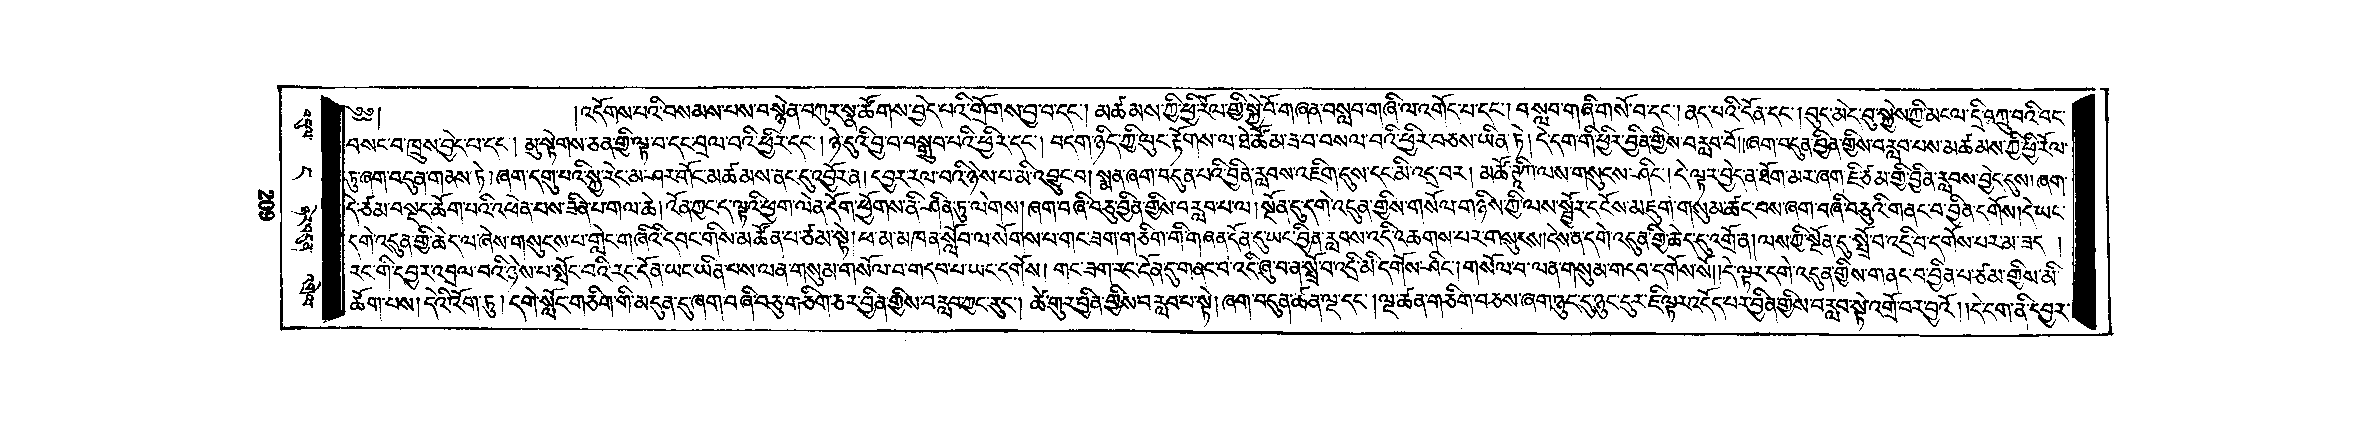༄༅། །འདོགས་པའི་བསམས་པས་བསྙེན་བཀུར་སྣ་ཚོགས་བྱེད་པའི་གྲོགས་བྱ་བ་དང་། མཚམས་ཀྱི་ཕྱི་རོལ་གྱི་སྐྱེ་བོ་གཞན་བསླབ་གཞི་ལ་འགོད་པ་དང་། བསླབ་གཞི་གསོ་བ་དང་། ནད་པའི་དོན་དང་། བུད་མེད་བུ་སྐྱེས་ཀྱི་མངལ་དྲི་བཀྲུ་བའི་བང་
བསང་བ་ཁྲུས་བྱེད་པ་དང་། མུ་སྟེགས་ཅན་གྱི་ལྟ་བ་དང་བྲལ་བའི་ཕྱིར་དང་། ཉེ་དུའི་བྱ་བ་བསྒྲུབ་པའི་ཕྱིར་དང་། བདག་ཉིད་ཀྱི་ལུང་རྟོགས་ལ་ཐེ་ཚོམ་ཟབ་བསལ་བའི་ཕྱིར་བཅས་ཡིན་ཏེ། དེ་དག་གི་ཕྱིར་བྱིན་གྱིས་བརླབ་བོ། །ཞག་བདུན་བྱིན་གྱིས་བརླབ་པས་མཚམས་ཀྱི་ཕྱི་རོལ་
ཏུ་ཞག་བདུན་གནས་ཏེ། ཞག་དགུ་པའི་སྐྱ་རེང་མ་ཤར་གོང་མཚམས་ནང་དུ་འབྱོར་ན། དབྱར་རལ་བའི་ཉེས་པ་མི་འབྱུང་བ། སྨན་ཞག་བདུན་པའི་བྱིན་རླབས་འཇིག་དུས་དང་མི་འདྲ་བར། མཚོ་ཊཱིཀ་ལས་གསུངས་ཤིང་། དེ་ལྟར་བྱེད་ན་ཐོག་མར་ཞག་ཇི་ཙམ་གྱི་བྱིན་རླབས་བྱེད་དུས། ཞག་
དེ་ཙམ་བསྡད་ཆོག་པའི་འཕེན་པས་ཟིན་པ་གལ་ཆེ། འོན་ཀྱང་ད་ལྟའི་ཕྱག་ལེན་དོག་ཕྱོགས་ནི་ཤིན་ཏུ་ལེགས། ཞག་བཞི་བཅུ་བྱིན་གྱིས་བརླབ་པ་ལ། སྔོན་དུ་དགེ་འདུན་གྱིས་གསོལ་གཉིས་ཀྱི་ལས་སྦྱོར་དངོས་མཇུག་གསུམ་ཚང་བས་ཞག་བཞི་བཅུའི་གནང་བ་བྱིན་དགོས། དེ་ཡང་
དགེ་འདུན་གྱི་ཆེད་ལ་ཞེས་གསུངས་པ་གླེང་གཞིའི་དབང་གིས་མཚོན་པ་ཙམ་སྟེ། ཕ་མ་མཁན་སློབ་ལ་སོགས་པ་གང་ཟག་གཅིག་གི་གཞན་དོན་དུ་ཡང་བྱིན་རླབས་འདི་འཆགས་པར་གསུངས། དེས་ན་དགེ་འདུན་གྱི་ཆེད་དུ་འགྲོ་ན། ལས་ཀྱི་སྔོན་དུ་སྤྲོ་བ་འདྲི་བ་དགོས་པར་མ་ཟད།
རང་གི་དབྱར་འབྲལ་བའི་ཉེས་པ་སྤོང་བའི་རང་དོན་ཡང་ཡིན་པས་ལན་གསུམ་གསོལ་བ་གདབ་པ་ཡང་དགོས། གང་ཟག་རང་དོན་དུ་གནང་བ་འདི་ཞུ་བ་ན་སྤྲོ་བ་འདྲི་མི་དགོས་ཤིང་། གསོལ་བ་ལན་གསུམ་གདབ་དགོས་སོ། །དེ་ལྟར་དགེ་འདུན་གྱིས་གནང་བ་བྱིན་པ་ཙམ་གྱིས་མི་
ཆོག་པས། དེའི་འོག་ཏུ། དགེ་སློང་གཅིག་གི་མདུན་དུ་ཞག་བཞི་བཅུ་གཅིག་ཅར་བྱིན་གྱིས་བརླབ་ཀྱང་རུང་། ཚེ་གུར་བྱིན་གྱིས་བརླབ་པ་སྟེ། ཞག་བདུན་ཚན་ལྔ་དང་། ལྔ་ཚན་གཅིག་བཅས་ཞག་ཉུང་ངུ་ཉུང་ངུར་ཇི་ལྟར་འདོད་པར་བྱིན་གྱིས་བརླབ་སྟེ་འགྲོ་བར་བྱའོ། །དེ་དག་ནི་དབྱར་